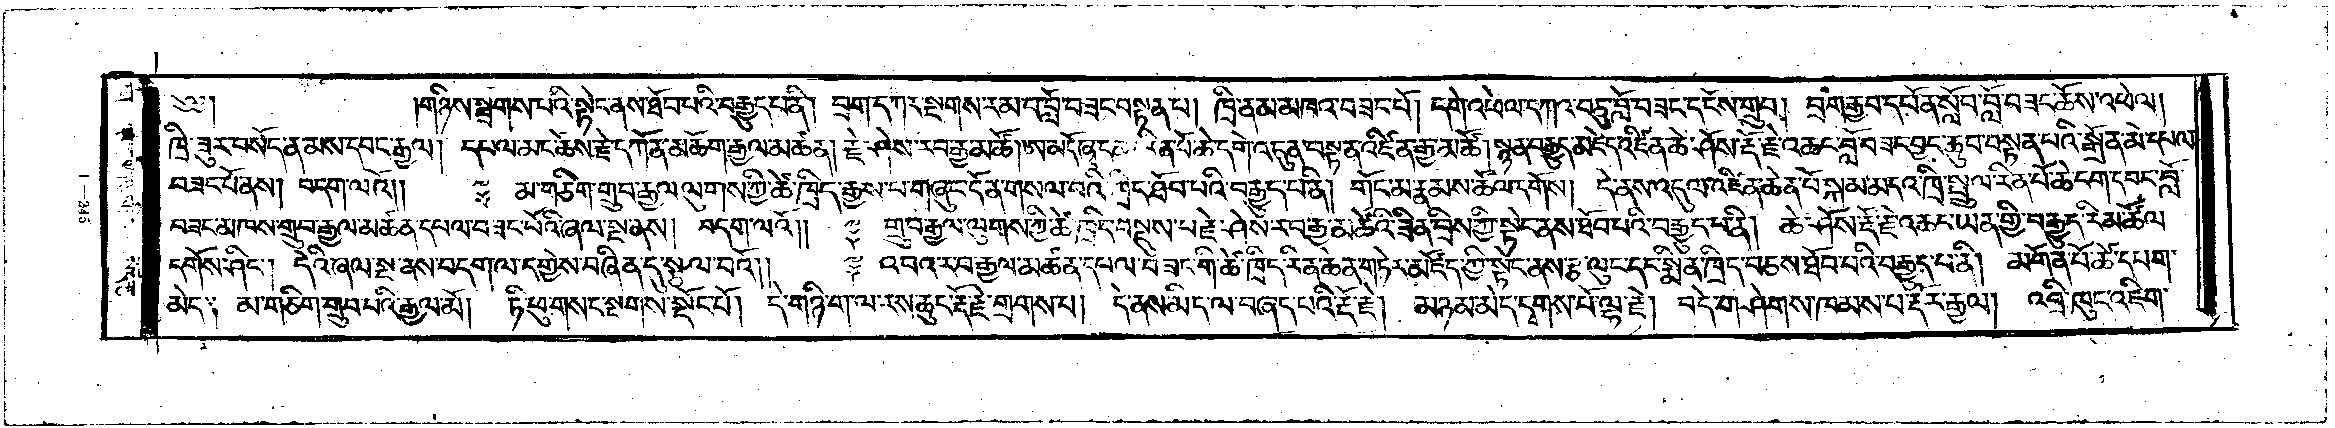༄༅། །གཉིས་སྦྲགས་པའི་སྟེང་ནས་ཐོབ་པའི་བརྒྱུད་པ་ནི། བྲག་དཀར་སྔགས་རམ་བ་བློ་བཟང་བསྟན་པ། ཁྲི་ནམ་མཁའ་བཟང་པོ། དགེ་འཕེལ་དཀའ་བཅུ་བློ་བཟང་དངོས་གྲུབ། བྲག་རྒྱབ་དཔོན་སློབ་བློ་བཟང་ཆོས་འཕེལ།
ཁྲི་ཟུར་བསོད་ནམས་དབང་རྒྱལ། དཔལ་མང་ཆོས་རྗེ་དཀོན་མཆོག་རྒྱལ་མཚན་། རྗེ་ཤེས་རབ་རྒྱ་མཚོ། ཨ་མདོ་ཞྭ་དམར་རིན་པོ་ཆེ་དགེ་འདུན་བསྟན་འཛིན་རྒྱ་མཚོ། སྙན་བརྒྱུད་མཇེད་འཛིན་ཆེ་ཤོས་རྡོ་རྗེ་འཆང་བློ་བཟང་བྱང་ཆུབ་བསྟན་པའི་སྒྲོན་མེ་དཔལ་
བཟང་པོ་ནས། བདག་ལའོ།། འ་མ་གཅིག་གྲུབ་རྒྱལ་ལུགས་ཀྱི་ཚེ་ཁྲིད་རྒྱས་པ་གཞུང་དོན་གསལ་བའི་ཁྲིད་ཐོབ་པའི་བརྒྱུད་པ་ནི། གོང་མ་རྣམས་ཚོལ་དགོས། དེ་ནས་འདུལ་འཛིན་ཆེན་པོ་སྐམ་མདའ་ཁྲི་སྤྲུལ་རིན་པོ་ཆེ་ངག་དབང་བློ་
བཟང་མཁས་གྲུབ་རྒྱལ་མཚན་དཔལ་བཟང་པོའི་ཞལ་སྔ་ནས། བདག་ལའོ།། འ་གྲུབ་རྒྱལ་ལུགས་ཀྱི་ཚེ་ཁྲིད་བསྡུས་པ་རྗེ་ཤེས་རབ་རྒྱ་མཚོའི་ཟིན་བྲིས་ཀྱི་སྟེང་ནས་ཐོབ་པའི་བརྒྱུད་པ་ནི། ཆེ་ཤོས་རྡོ་རྗེ་འཆང་ཡན་གྱི་བརྒྱུད་རིམ་ཚོལ་
དགོས་ཤིང་། དེའི་ཞལ་སྔ་ནས་བདག་ལ་དགྱེས་བཞིན་དུ་སྩལ་བའོ།། འ་འབའ་ར་བ་རྒྱལ་མཚན་དཔལ་བཟང་གི་ཚེ་ཁྲིད་རིན་ཆེན་གཏེར་མཛོད་ཀྱི་སྟེང་ནས་རྩ་ལུང་དང་སྨིན་ཁྲིད་བཅས་ཐོབ་པའི་བརྒྱུད་པ་ནི། མགོན་པོ་ཚེ་དཔག་
མེད༑ མ་གཅིག་གྲུབ་པའི་རྒྱལ་མོ། ཏི་ཕུ་གསང་སྔགས་སྡོང་པོ། དེ་གཉི་ག་ལ་རས་ཆུང་རྡོ་རྗེ་གྲགས་པ། དེ་ནས་མིད་ལ་བཞད་པའི་རྡོ་རྗེ། མཉམ་མེད་དྭགས་པོ་ལྷ་རྗེ། བདེ་གཤེགས་ཁམས་པ་རྡོར་རྒྱལ། འབྲི་ཁུང་འཇིག་